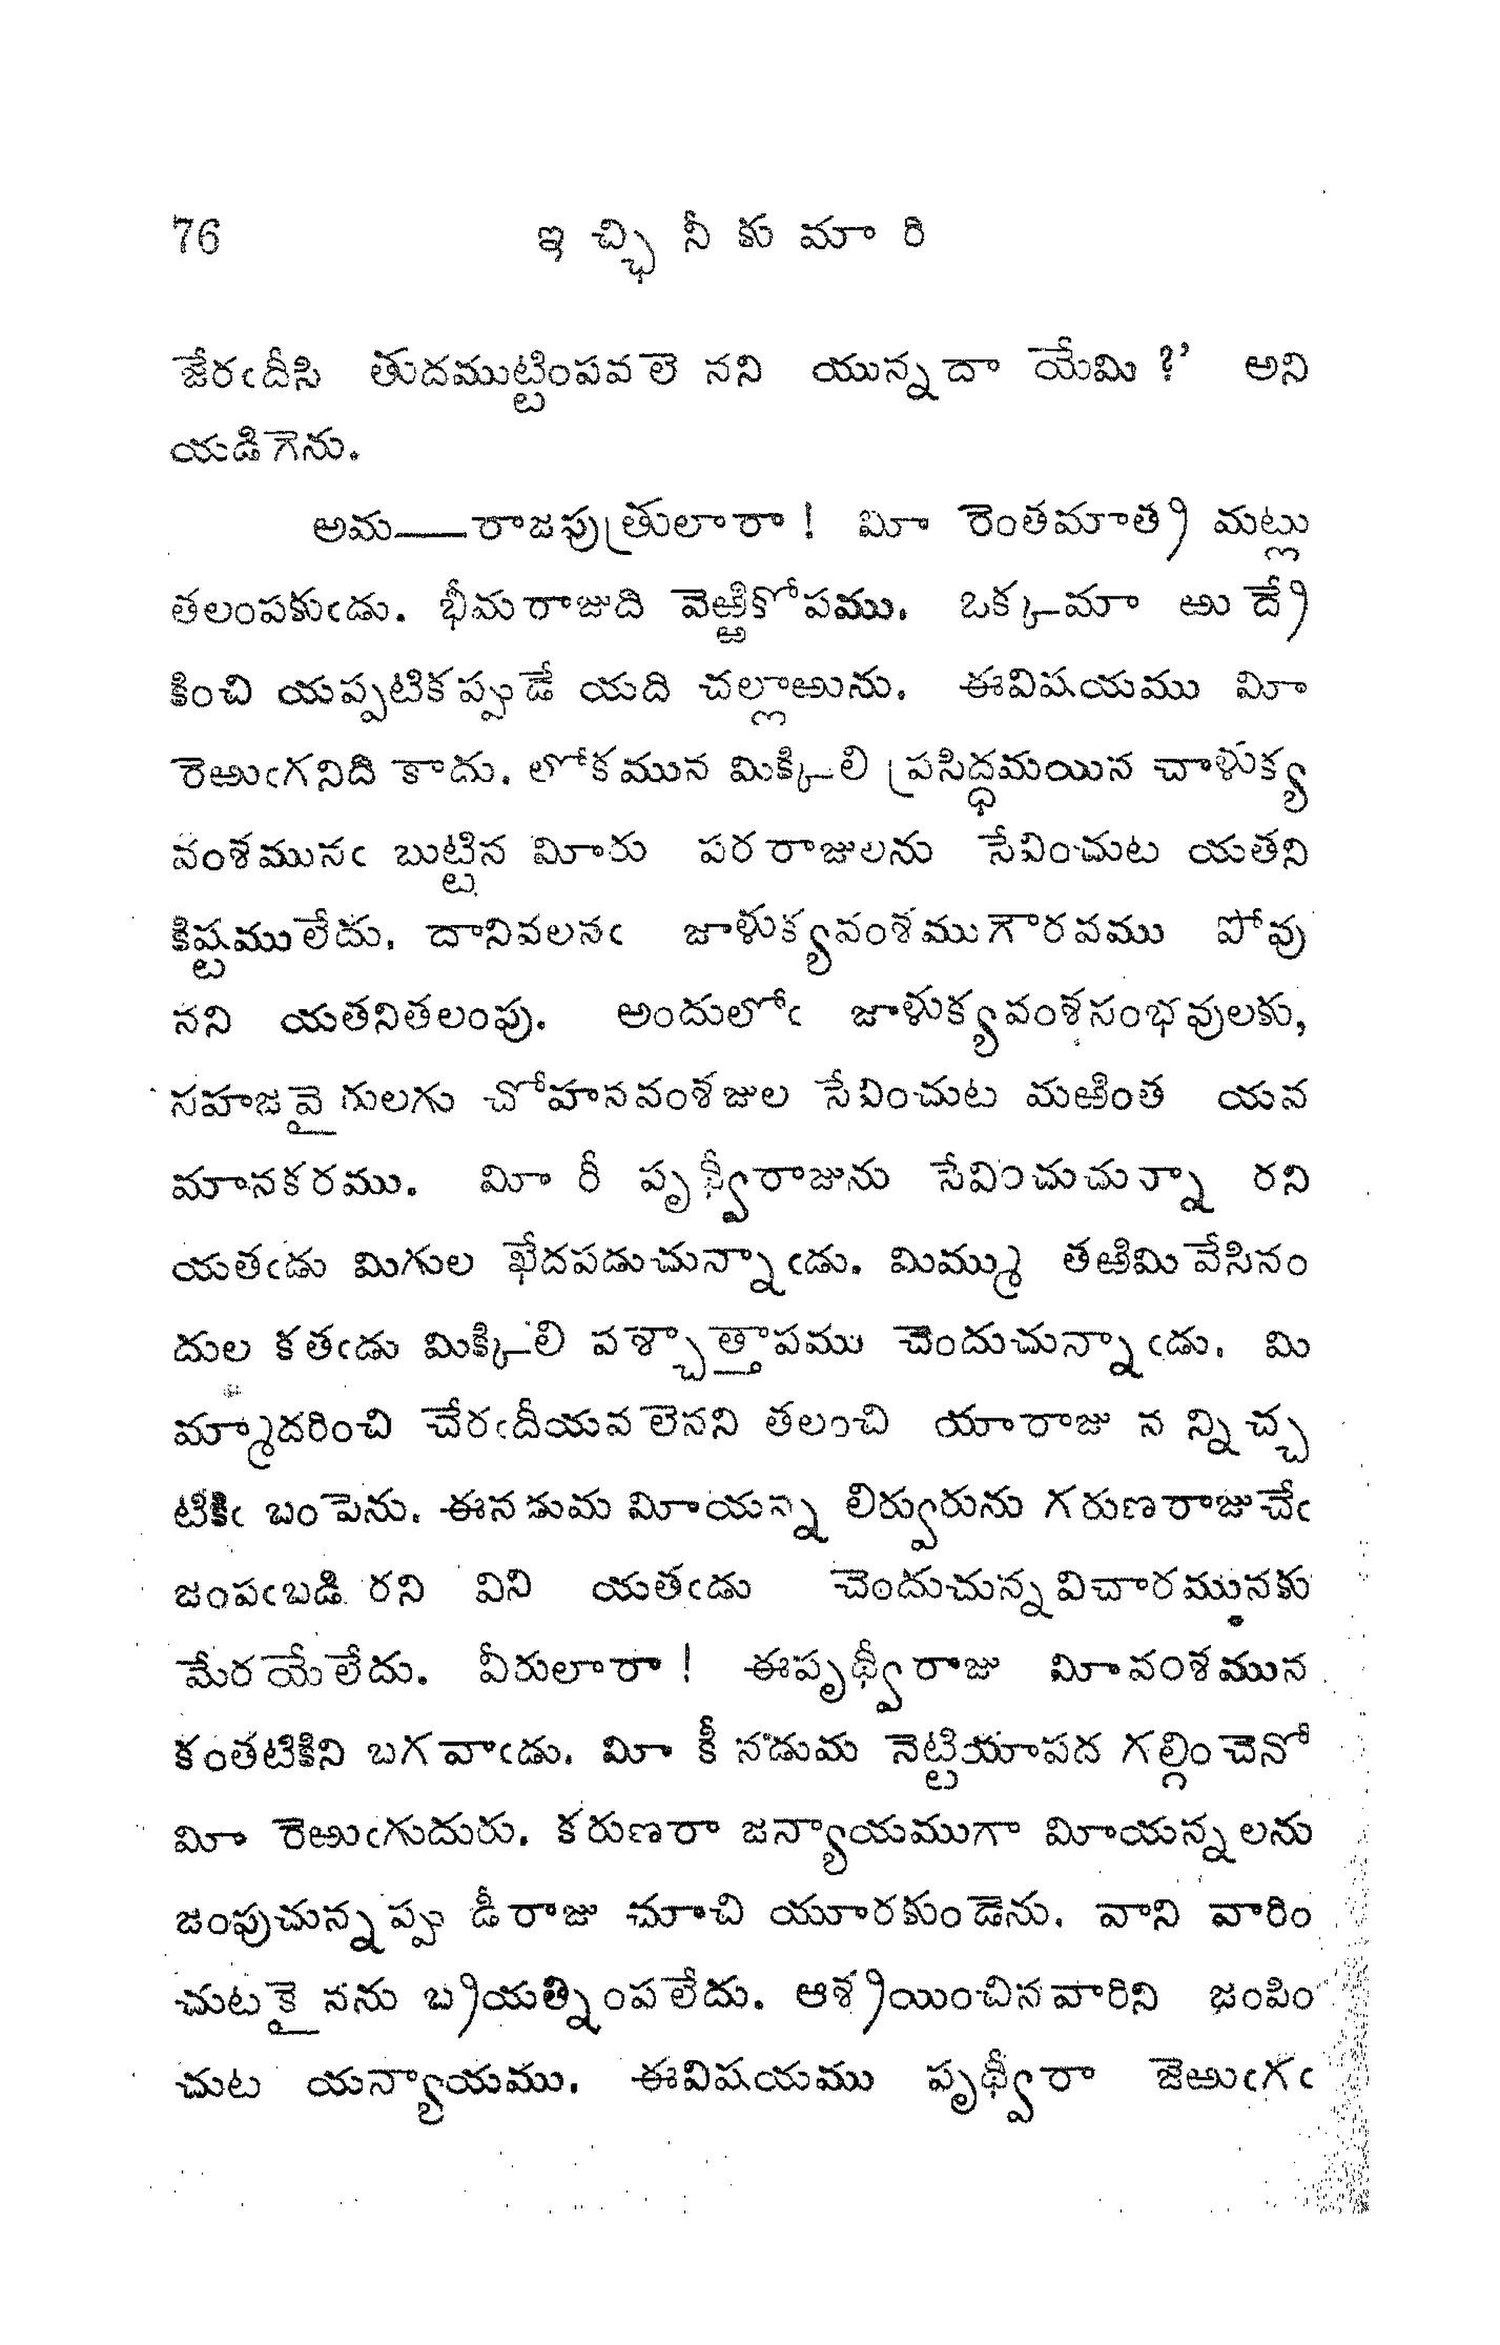జేరఁదీసి తుదముట్టింపవలె నని యున్నదా యేమి ?' అని యడిగెను.

అమ: రాజపుత్రులారా ! మీ రెంతమాత్ర మట్లు తలంపకుఁడు. భీమ రాజుది వెర్రి కోపము. ఒక్కమా ఱు ద్రే కించి యప్పటికప్పుడే యది చల్లాఱును. ఈవిషయము మీ రెఱుఁగనిది కాదు. లోకమున మిక్కిలి ప్రసిద్ధమయిన చాళుక్య వంశమునఁ బుట్టిన మీరు పర రాజులను సేవించుట యతని కిష్టము లేదు. దానివలనఁ జాళుక్యవంశము గౌరవము పోవు నని యతనితలంపు. అందులోఁ జాళుక్య వంశ సంభవులకు, సహజ వై రులగు చోహన వంశజుల సేవించుట మఱింత యవ మానకరము. మీ రీ పృద్వీరాజును సేవించుచున్నా రని యతఁడు మిగుల ఖేదపడుచున్నాఁడు. మిమ్ము తరిమి వేసినం దుల కతఁడు మిక్కిలి పశ్చాత్తాపము చెందుచున్నాఁడు. మి మ్మాదరించి చేరఁదీయవ లెనని తలంచి యారాజు న న్ని చ్చ టీకిఁ బంపెను. ఈనడుమ మీ యన్న లిర్వురును గరుణ రాజు చేఁ జంపఁబడి. రని విని యతఁడు చెందుచున్న విచారమునకు మేరయే లేదు. వీరులారా ! ఈపృథ్వీరాజు మనంశమున కంతటికిని బగ వాఁడు. మీ కీ నడుమ నెట్టియాపగ గల్గిం చెనో మీ రెఱుఁగుదురు. కరుణరా జన్యాయముగా మాయన్న లను జంపుచున్నప్పు డీ రాజు చూచి యూరకుం డెను, వాని వారిం చుటకై నను బ్రయత్నింప లేదు. ఆశ్రయించిన వారిని జంపిం చుట యన్యాయము. ఈ విషయము పృథ్వీరా జెఱుఁగఁ